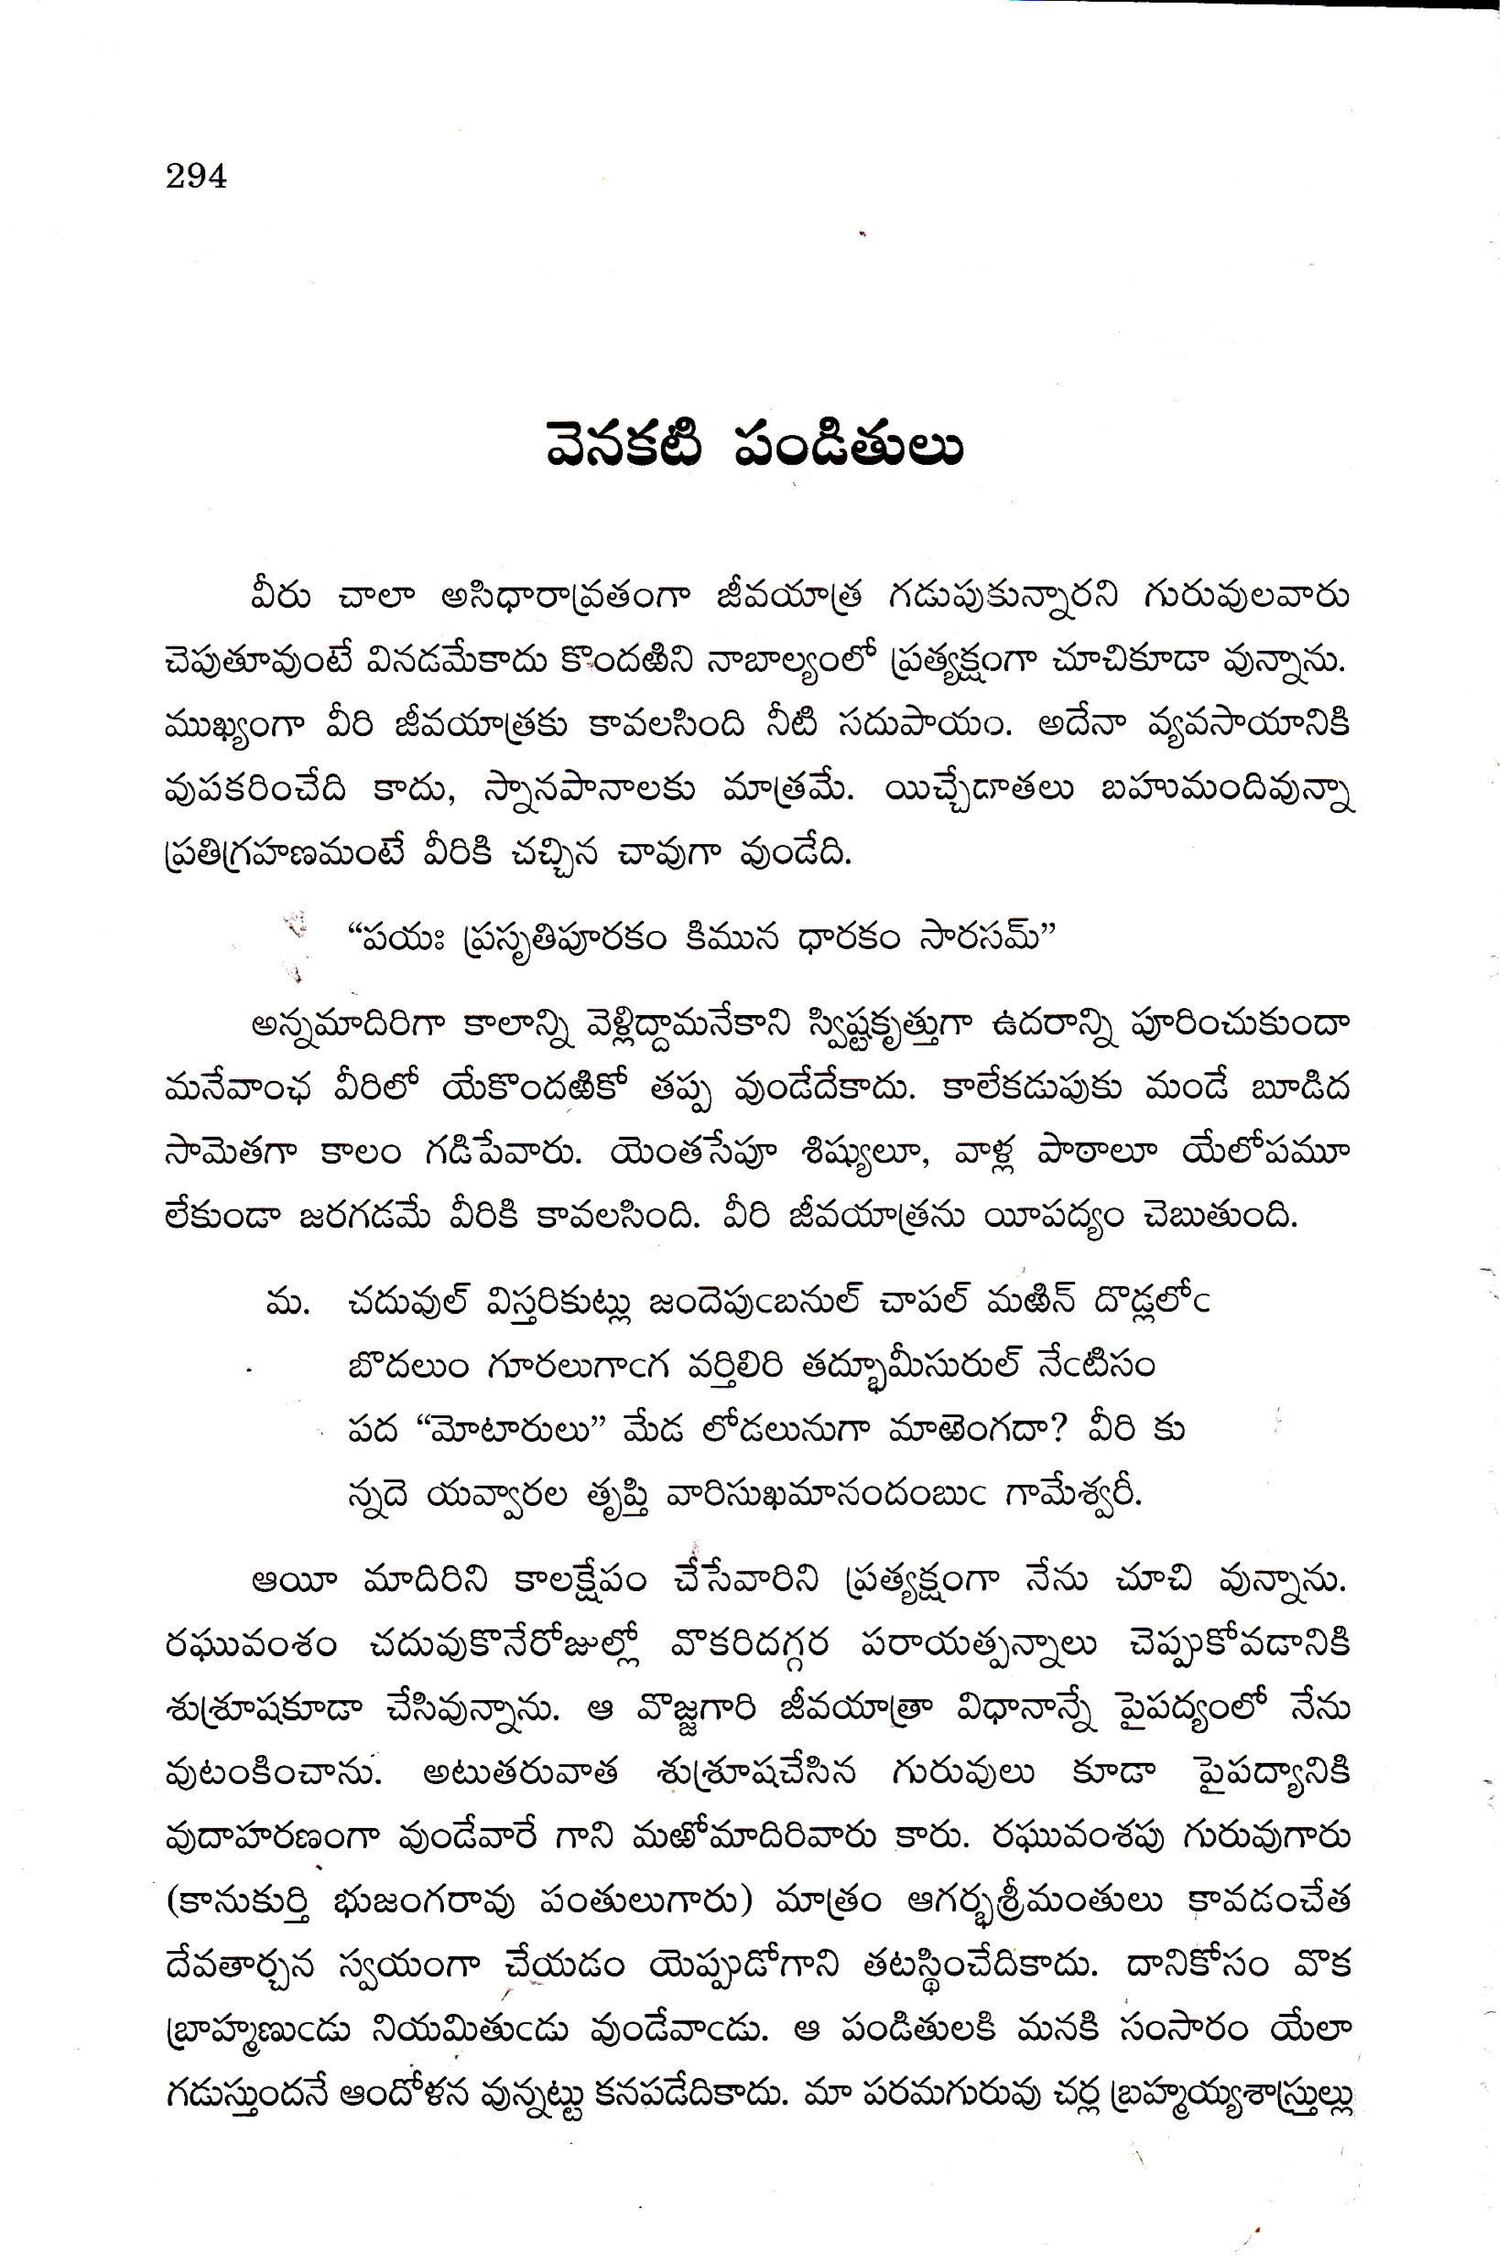వెనకటి పండితులు

వీరు చాలా అసిధారావ్రతంగా జీవయాత్ర గడుపుకున్నారని గురువులవారు చెపుతూవుంటే వినడమేకాదు కొందఱిని నాబాల్యంలో ప్రత్యక్షంగా చూచికూడా వున్నాను. ముఖ్యంగా వీరి జీవయాత్రకు కావలసింది నీటి సదుపాయం. అదేనా వ్యవసాయానికి వుపకరించేది కాదు, స్నానపానాలకు మాత్రమే. యిచ్చేదాతలు బహుమందివున్నా ప్రతిగ్రహణమంటే వీరికి చచ్చిన చావుగా వుండేది.

“పయః ప్రసృతిపూరకం కిమున ధారకం సారసమ్”
అన్నమాదిరిగా కాలాన్ని వెళ్లిద్దామనేకాని స్విష్టకృత్తుగా ఉదరాన్ని పూరించుకుందా మనేవాంఛ వీరిలో యేకొందఱికో తప్ప వుండేదేకాదు. కాలేకడుపుకు మండే బూడిద సామెతగా కాలం గడిపేవారు. యెంతసేపూ శిష్యులూ, వాళ్ల పాఠాలూ యేలోపమూ లేకుండా జరగడమే వీరికి కావలసింది. వీరి జీవయాత్రను యీపద్యం చెబుతుంది.

మ. చదువుల్ విస్తరికుట్లు జందెపుఁబనుల్ చాపల్ మఱిన్ దొడ్లలోఁ
 బొదలుం గూరలుగాఁగ వర్తిలిరి తద్భూమీసురుల్ నేఁటిసం 
 పద “మోటారులు” మేడ లోడలునుగా మాఱెంగదా? వీరి కు 
 న్నదె యవ్వారల తృప్తి వారిసుఖమానందంబుఁ గామేశ్వరీ.
ఆయీ మాదిరిని కాలక్షేపం చేసేవారిని ప్రత్యక్షంగా నేను చూచి వున్నాను. రఘువంశం చదువుకొనేరోజుల్లో వొకరిదగ్గర పరాయత్పన్నాలు చెప్పుకోవడానికి శుశ్రూషకూడా చేసివున్నాను. ఆ వొజ్జగారి జీవయాత్రా విధానాన్నే పైపద్యంలో నేను వుటంకించాను. అటుతరువాత శుశ్రూషచేసిన గురువులు కూడా పైపద్యానికి వుదాహరణంగా వుండేవారే గాని మఱోమాదిరివారు కారు. రఘువంశపు గురువుగారు (కానుకుర్తి భుజంగరావు పంతులుగారు) మాత్రం ఆగర్భశ్రీమంతులు కావడంచేత దేవతార్చన స్వయంగా చేయడం యెపుడోగాని తటస్థించేదికాదు. దానికోసం వొక బ్రాహ్మణుఁడు నియమితుఁడు వుండేవాcడు. ఆ పండితులకి మనకి సంసారం యేలా గడుస్తుందనే ఆందోళన వున్నట్టు కనపడేదికాదు. మా పరమగురువు చర్ల బ్రహ్మయ్యశాస్త్రుల్లు